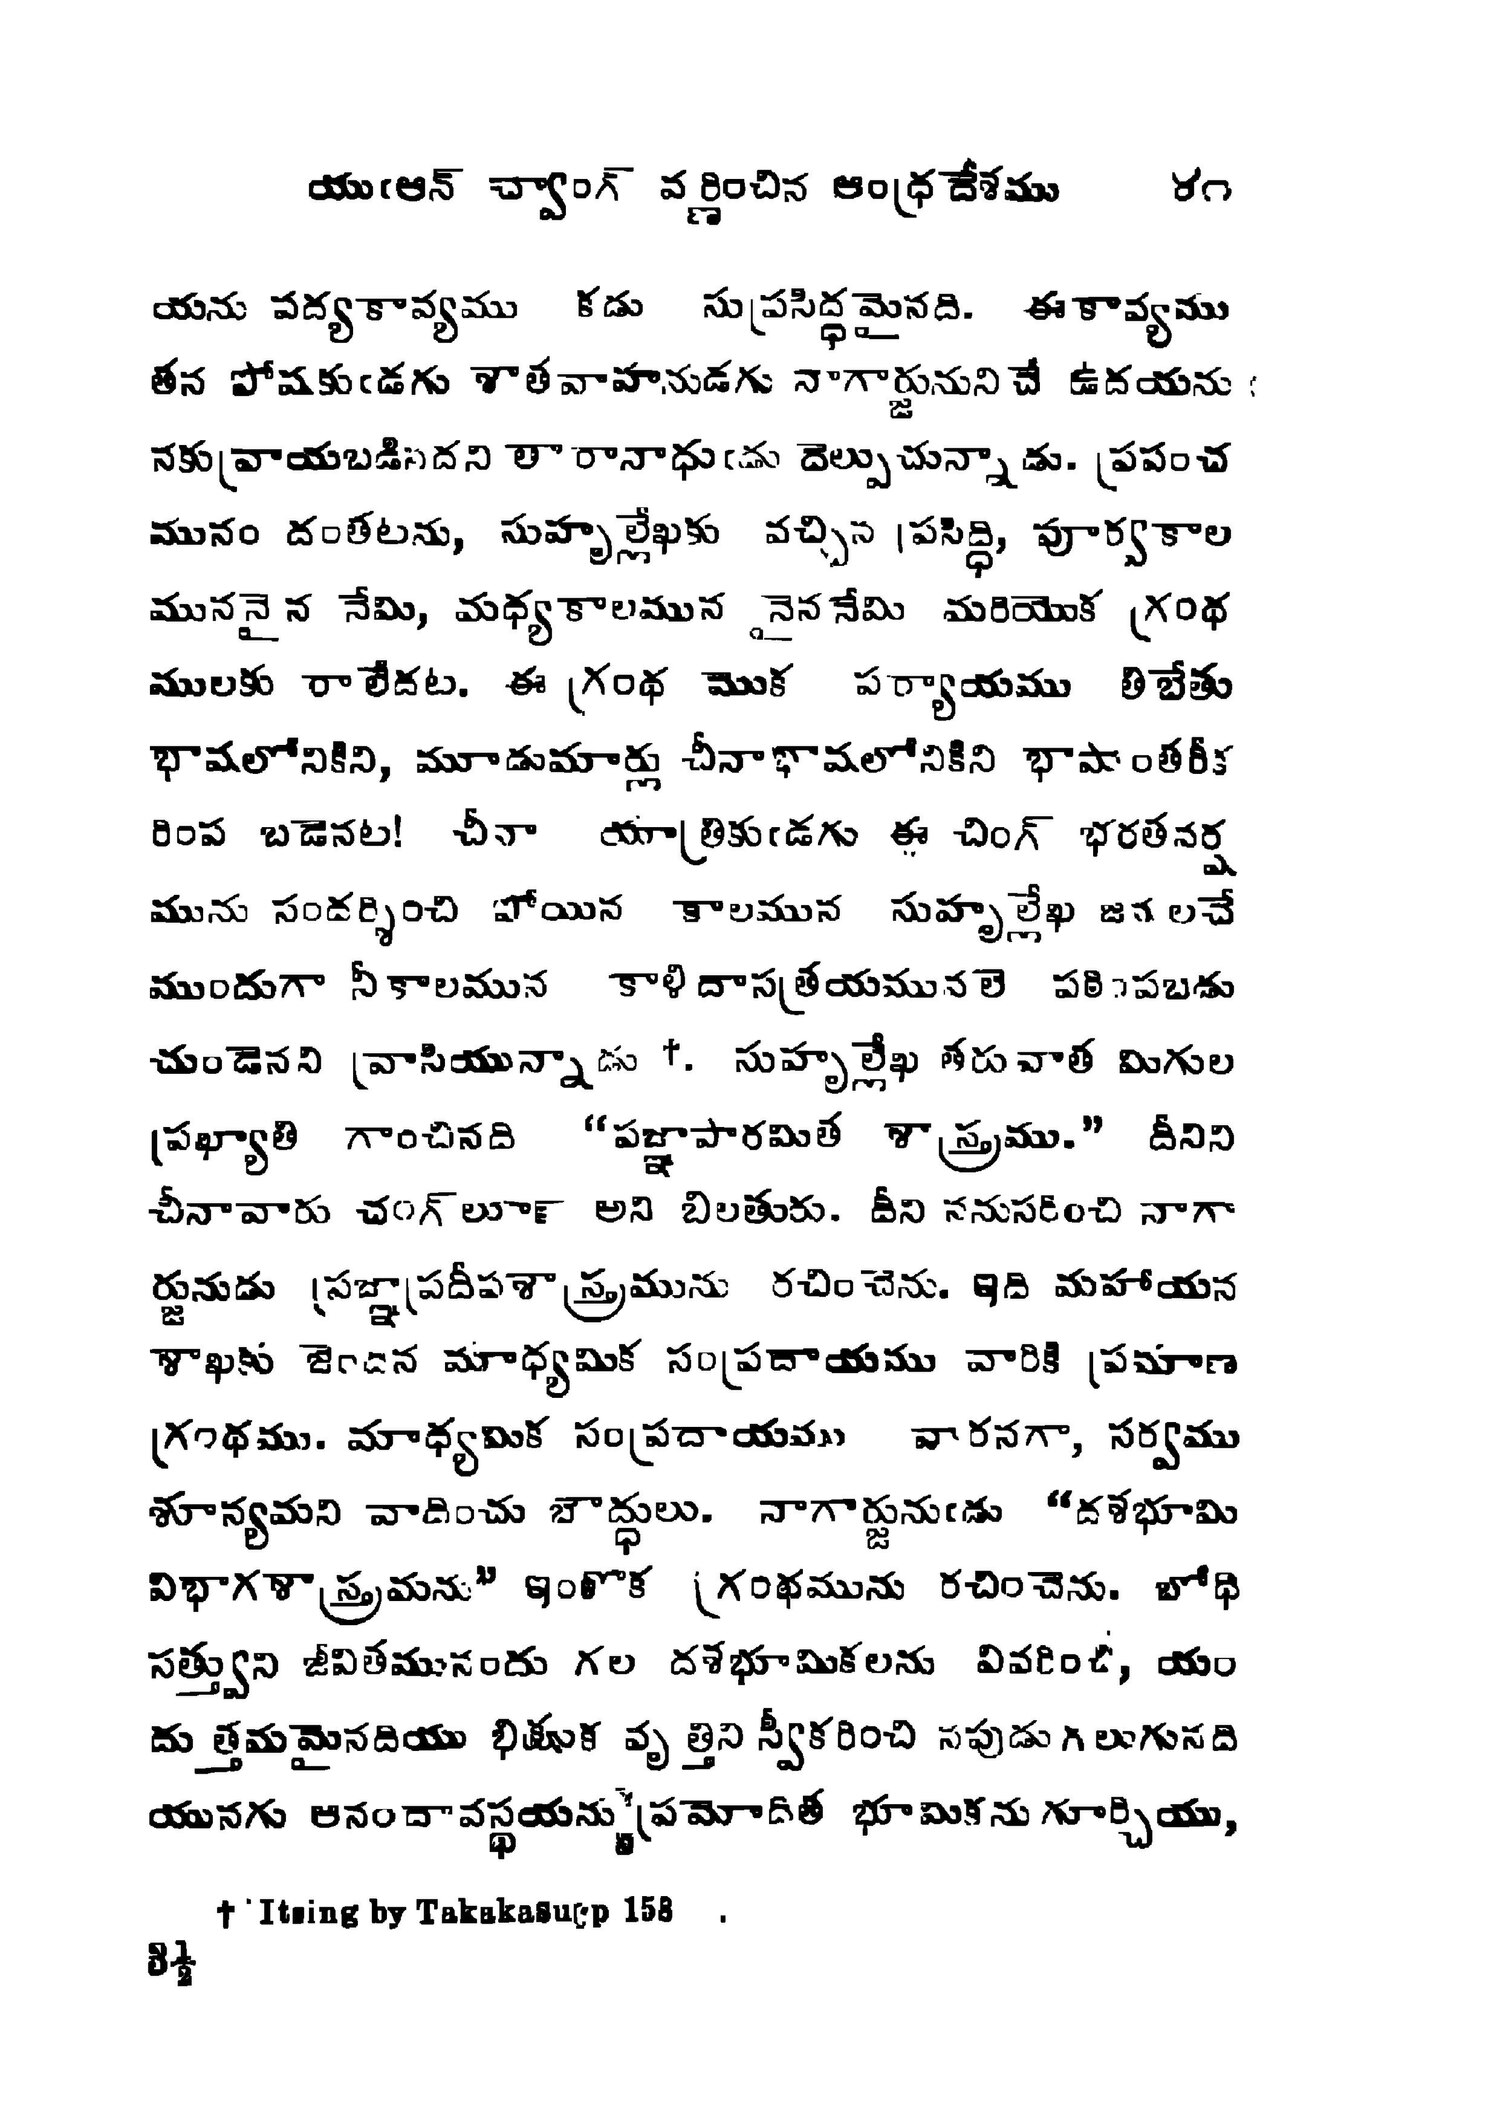యను పద్యకావ్యము కడు సుప్రసిద్ధమైనది. ఈకావ్యము తన పోషకుడగు శాతవాహనుడగు నాగార్జునునిచే ఉదయనునకు వ్రాయబడినదని తారానాధుడు దెల్పుచున్నాడు. ప్రపంచమునం దంతటను, సుహృల్లేఖకు వచ్చిన ప్రసిద్ధి, పూర్వకాలముననైన నేమి, మధ్యకాలమున నైననేమి మరియొక గ్రంథములకు రాలేదట. ఈగ్రంథ మొక పర్యాయము తిబేతు భాషలోనికిని, మూడుమార్లు చీనా భాషలోనికిని భాషాంతరీకరింప బడెనట! చీనా యాత్రికుడగు ఈ చింగ్ భరతవర్షమును సందర్శించి పోయిన కాలమున సుహృల్లేఖ జనులచే ముందుగా నీకాలమున కాళిదాసత్రయమువలె పఠింపబడు చుండెనని వ్రాసియున్నాడు †. సుహృల్లేఖ తరువాత మిగుల ప్రఖ్యాతి గాంచినది "పజ్ఞాపారమిత శాస్త్రము." దీని చీనావారు చంగ్‌లూన్ అని బిలతురు. దీని ననుసరించి నాగార్జునుడు ప్రజ్ఞాప్రదీపశాస్త్రమును రచించెను. ఇది మహాయన శాఖకు జెందిన మాధ్యమిక సంప్రదాయము వారికి ప్రమాణ గ్రంథము. మాధ్యమిక సంప్రదాయము వారనగా, సర్వము శూన్యమని వాదించు బౌద్ధులు. నాగార్జునుడు "దశభూమి విభాగశాస్త్రమను" ఇంకొక గ్రంథమును రచించెను. బోధిసత్త్వుని జీవితమునందు గల దశభూమికలను వివరించి, యందుత్తమమైనదియు భిక్షుక వృత్తిని స్వీకరించి నపుడుగలుగునదియునగు ఆనందావస్థయను ప్రమోదిత భూమికను గూర్చియు,